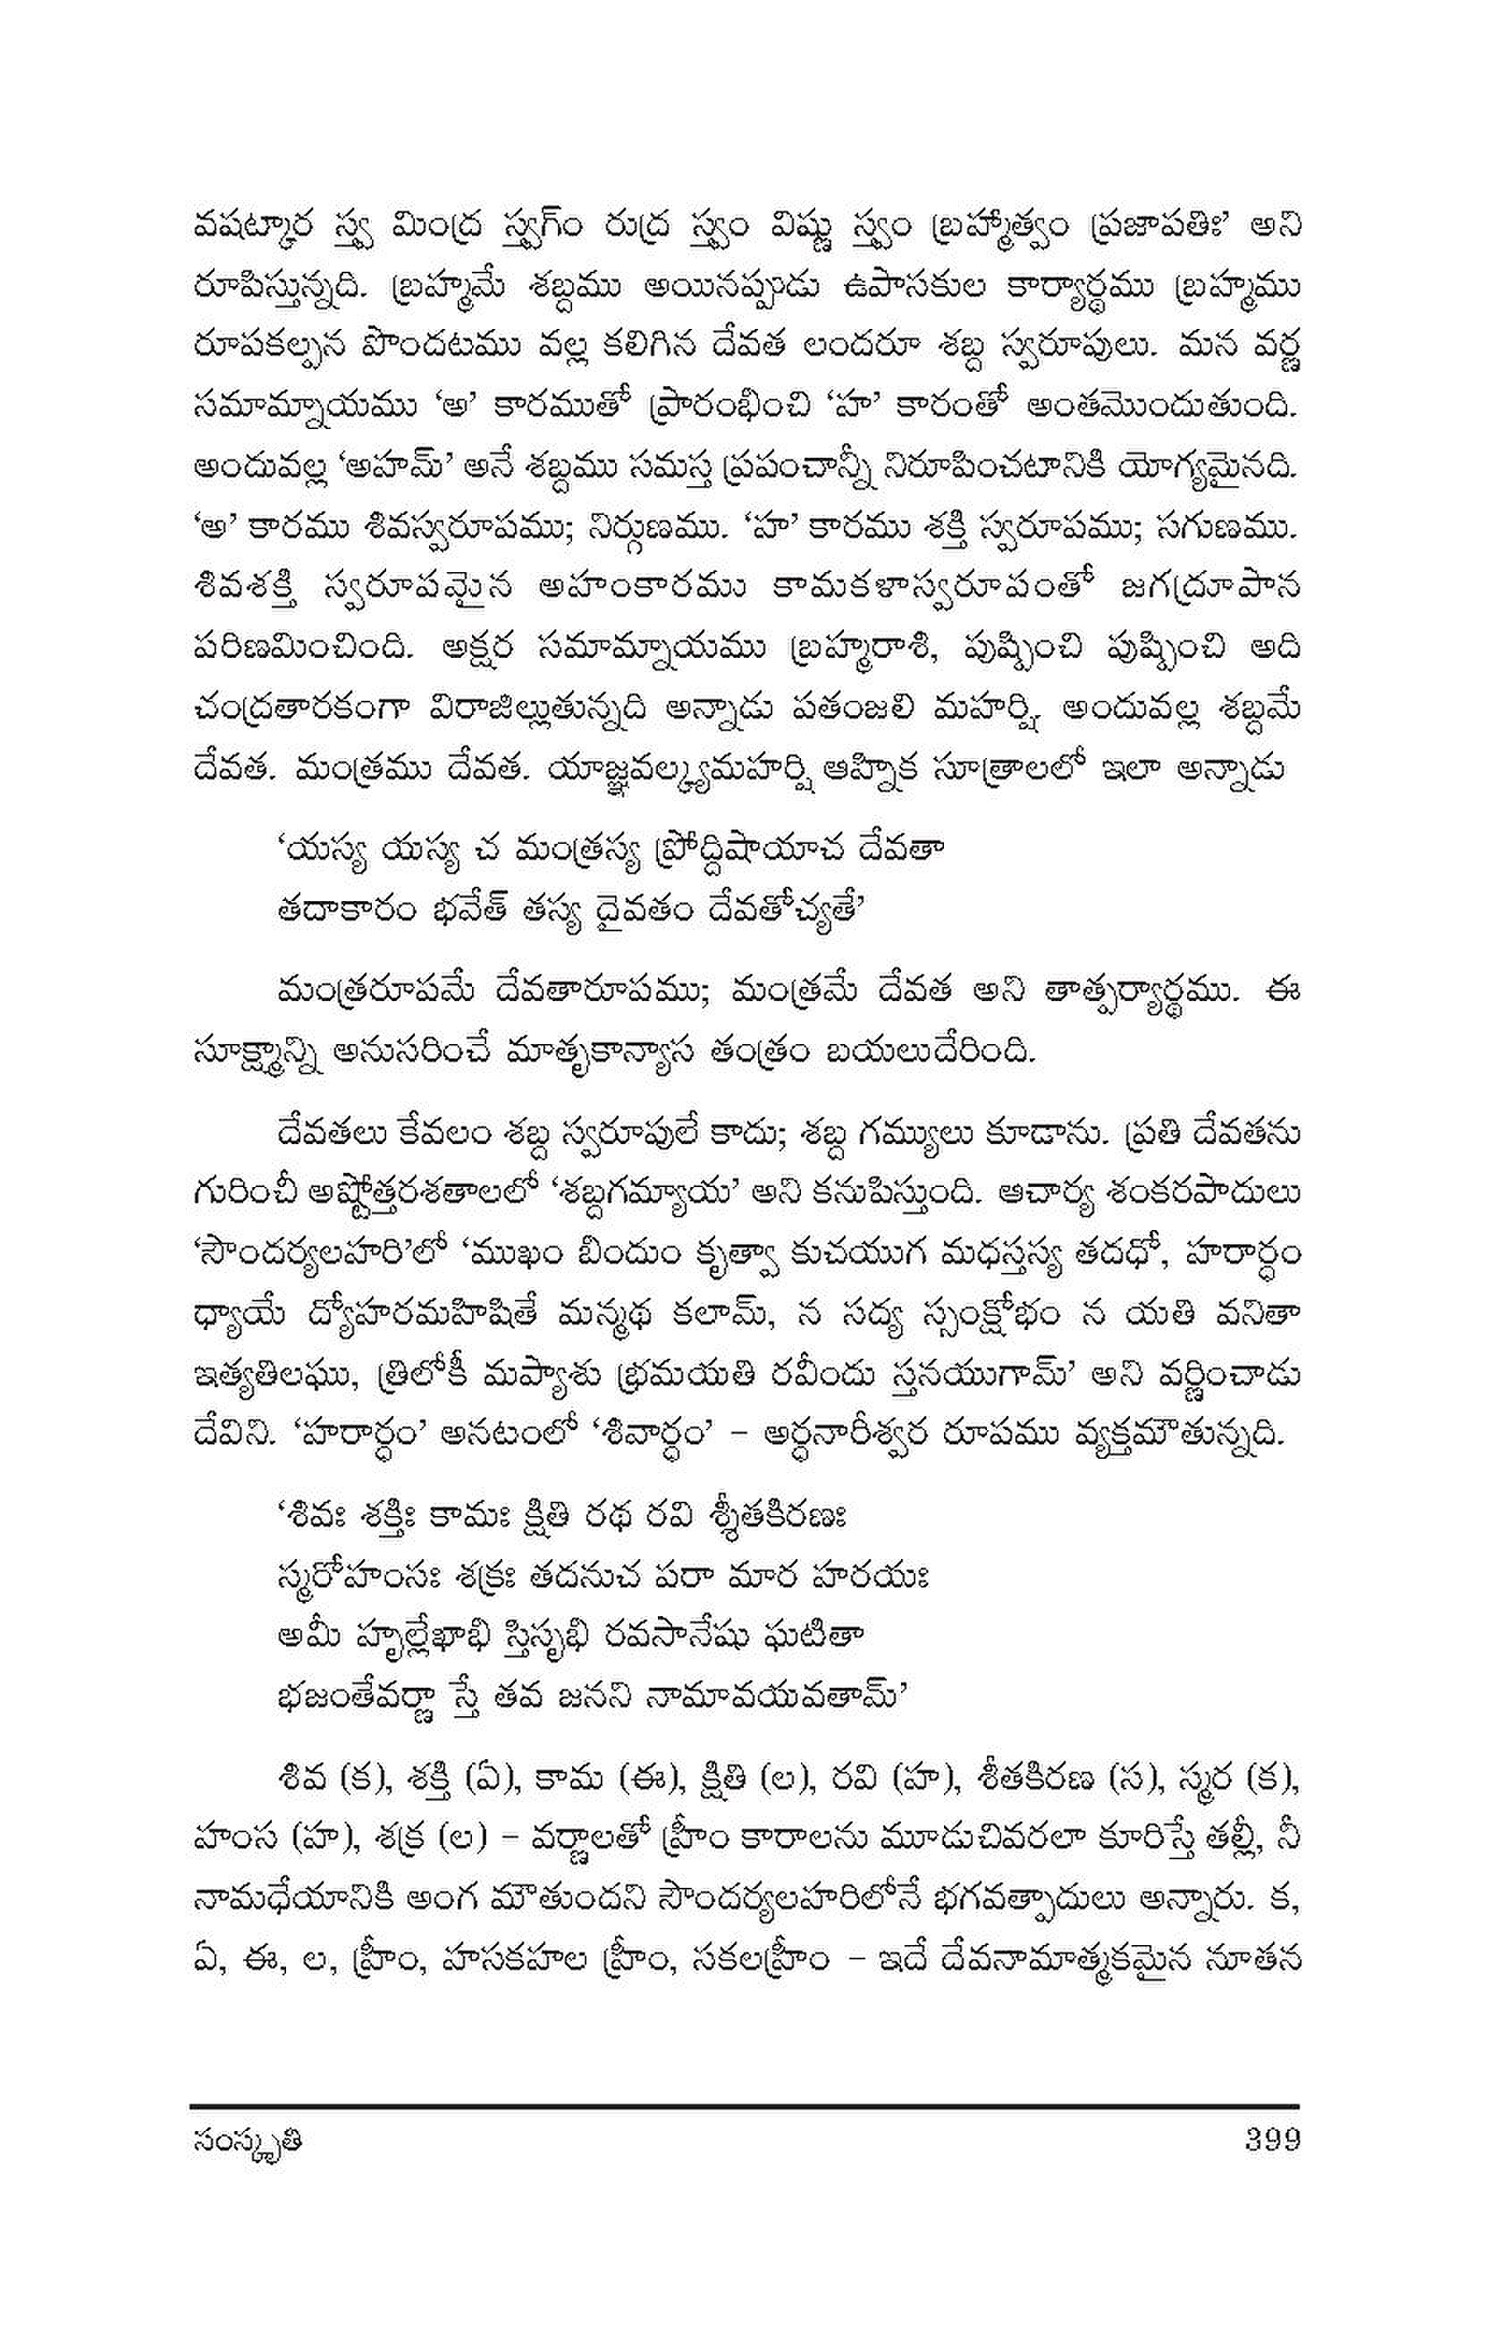వషట్కార స్వ మింద్ర స్వగ్ం రుద్ర స్త్వం విష్ణు స్త్వం బ్రహ్మాత్వం ప్రజాపతిః' అని
రూపిస్తున్నది. బ్రహ్మమే శబ్దము అయినప్పుడు ఉపాసకుల కార్యార్థము బ్రహ్మము
రూపకల్పన పొందటము వల్ల కలిగిన దేవత లందరూ శబ్ద స్వరూపులు. మన వర్ణ
సమామ్నాయము 'అ' కారముతో ప్రారంభించి 'హ' కారంతో అంతమొందుతుంది.
అందువల్ల ‘అహమ్' అనే శబ్దము సమస్త ప్రపంచాన్నీ నిరూపించటానికి యోగ్యమైనది.
'అ' కారము శివస్వరూపము; నిర్గుణము. 'హ' కారము శక్తి స్వరూపము; సగుణము.
శివశక్తి స్వరూపమైన అహంకారము కామకళాస్వరూపంతో జగద్రూపాన
పరిణమించింది. అక్షర సమామ్నాయము బ్రహ్మరాశి, పుష్పించి పుష్పించి అది
చంద్రతారకంగా విరాజిల్లుతున్నది అన్నాడు పతంజలి మహర్షి. అందువల్ల శబ్దమే
దేవత. మంత్రము దేవత. యాజ్ఞవల్క్య మహర్షి ఆహ్నిక సూత్రాలలో ఇలా అన్నాడు

'యస్య యస్య చ మంత్రస్య ప్రోద్దిషాయాచ దేవతా
తదాకారం భవేత్ తస్య దైవతం దేవతోచ్యతే'

మంత్రరూపమే దేవతారూపము; మంత్రమే దేవత అని తాత్పర్యార్థము. ఈ
సూక్ష్మాన్ని అనుసరించే మాతృకాన్యాస తంత్రం బయలుదేరింది.

దేవతలు కేవలం శబ్ద స్వరూపులే కాదు; శబ్ద గమ్యులు కూడాను. ప్రతి దేవతను
గురించీ అష్టోత్తరశతాలలో 'శబ్దగమ్యాయ' అని కనుపిస్తుంది. ఆచార్య శంకరపాదులు
'సౌందర్యలహరి'లో 'ముఖం బిందుం కృత్వా కుచయుగ మధస్తస్య తదధో, హరార్ధం
ధ్యాయే ద్యోహరమహిషితే మన్మథ కలామ్, న సద్య స్సంక్షోభం న యతి వనితా
ఇత్యతిలఘు, త్రిలోకీ మప్యాశు భ్రమయతి రవీందు స్తనయుగామ్' అని వర్ణించాడు
దేవిని. 'హరార్ధం' అనటంలో 'శివార్ధం' - అర్ధనారీశ్వర రూపము వ్యక్తమౌతున్నది.

'శివః శక్తిః కామః క్షితి రథ రవి శ్శీతకిరణః
స్మరోహంసః శక్రః తదనుచ పరా మార హరయః
అమీ హృల్లేఖాభి స్తిసృభి రవసానేషు ఘటితా
భజంతేవర్ణా స్తే తవ జనని నామావయవతామ్'

శివ (క), శక్తి (ఏ), కామ (ఈ), క్షితి (ల), రవి (హ), శీతకిరణ (స), స్మర (క),
హంస (హ), శక్ర (ల) - వర్ణాలతో హ్రీం కారాలను మూడు చివరలా కూరిస్తే తల్లీ, నీ
నామధేయానికి అంగ మౌతుందని సౌందర్యలహరిలోనే భగవత్పాదులు అన్నారు. క,
ఏ, ఈ, ల, హ్రీం, హసకహల హ్రీం, సకలహ్రీం - ఇదే దేవనామాత్మకమైన నూతన